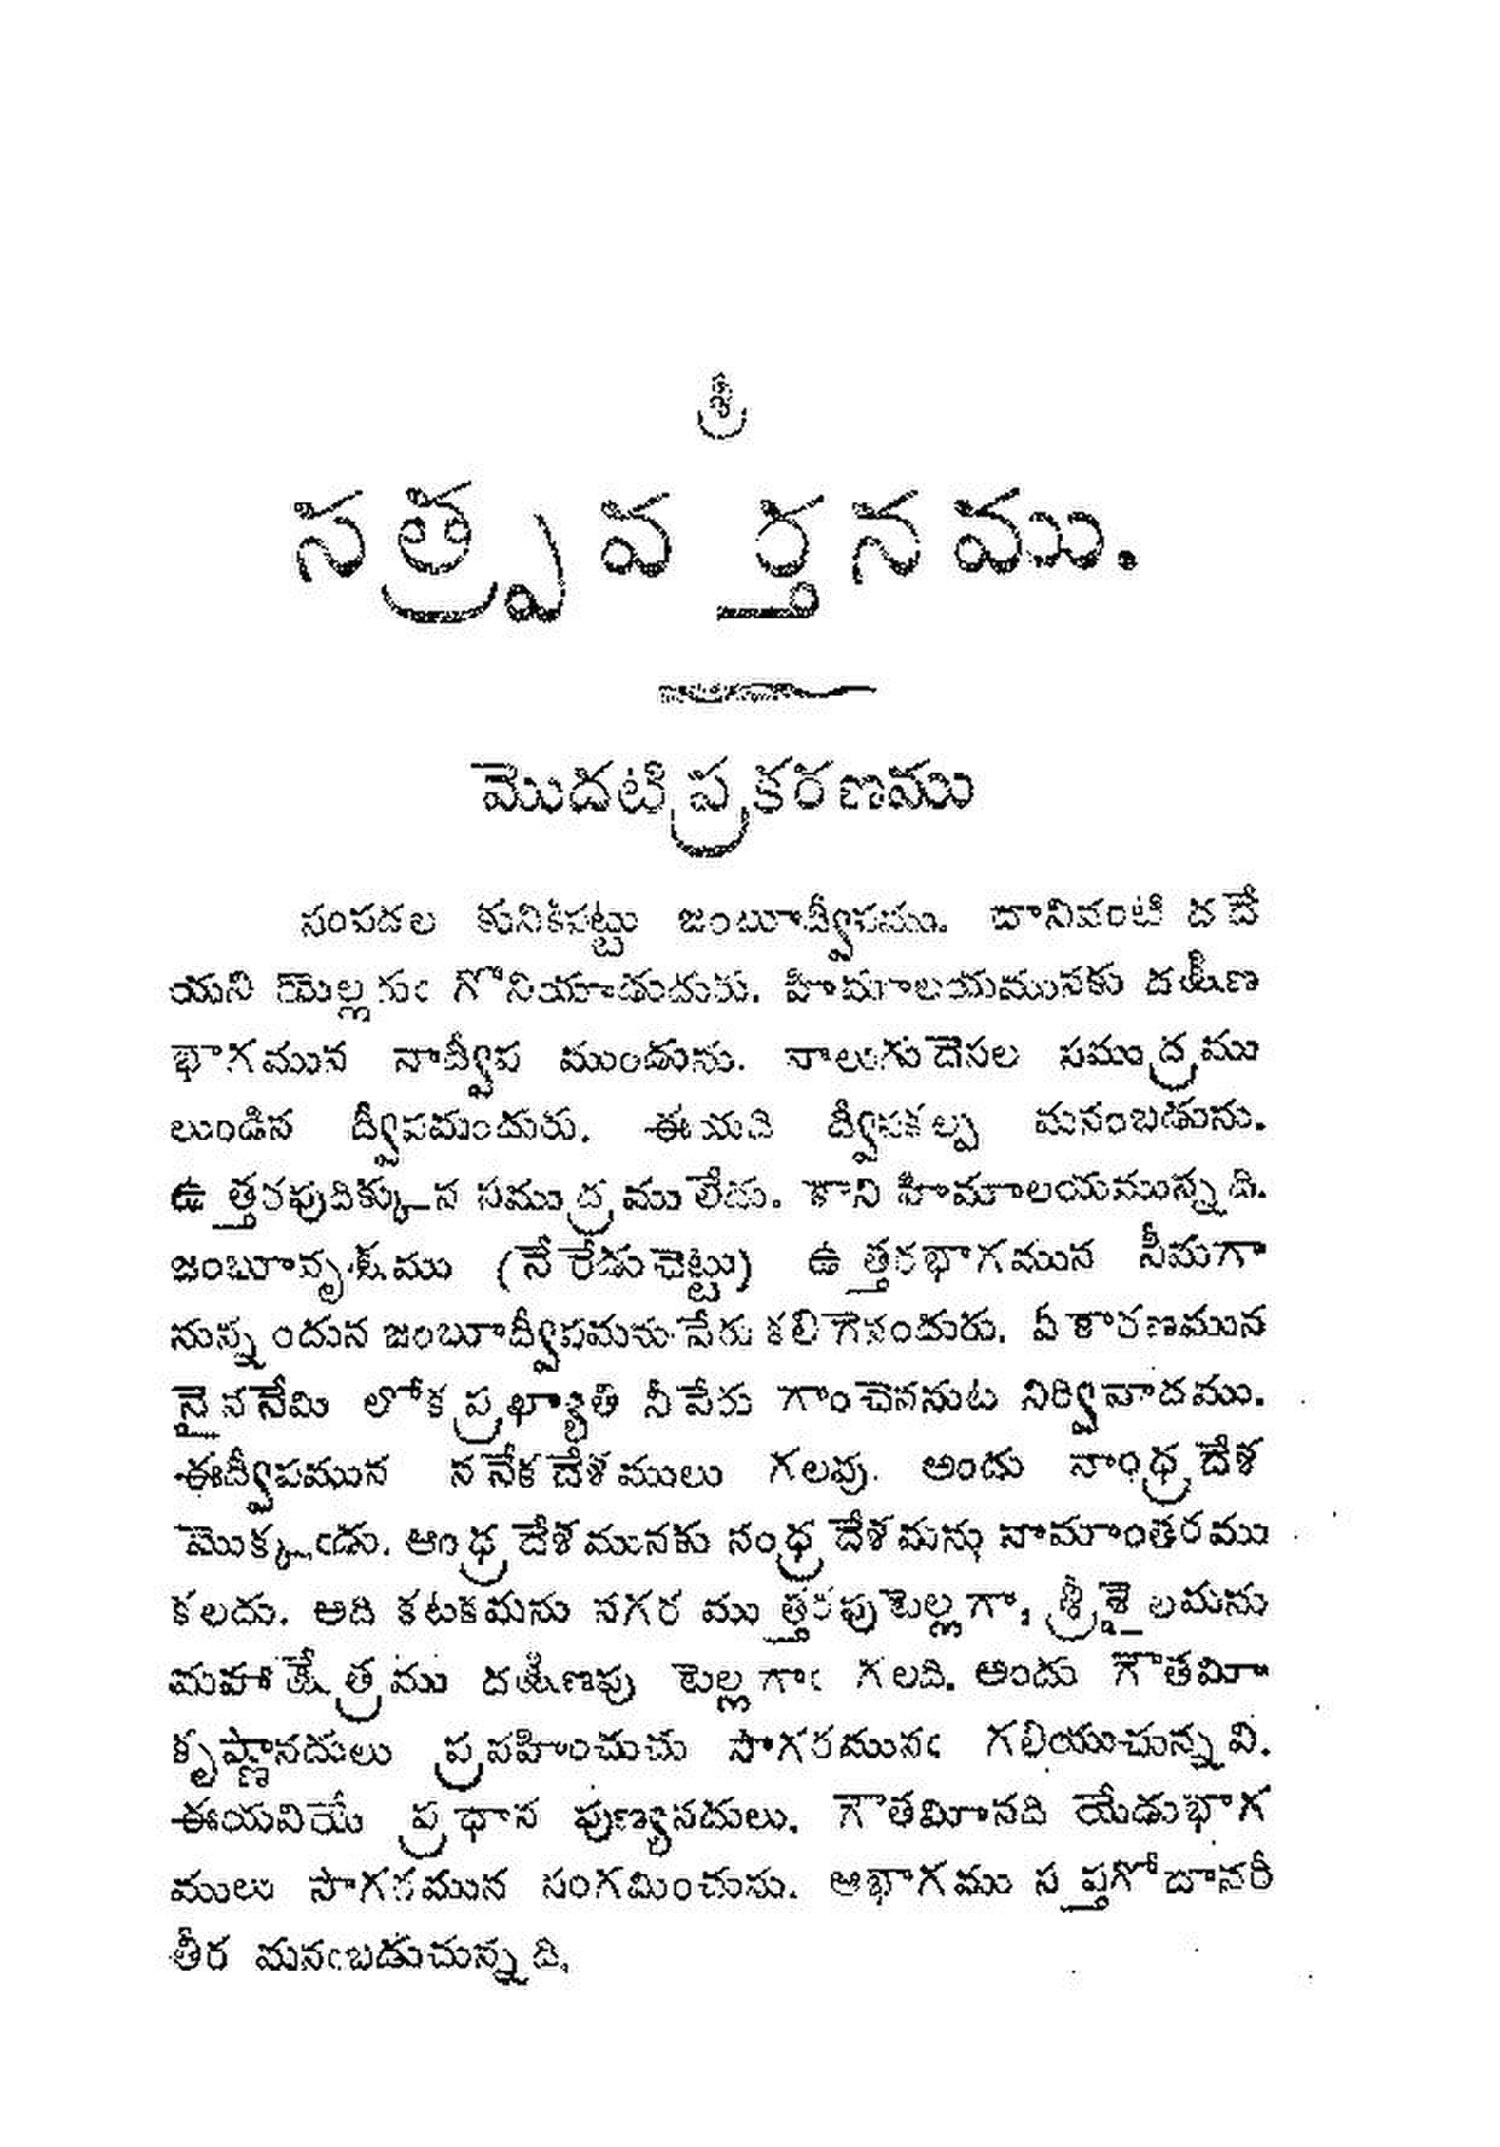సత్ప్రవర్తనము.

మొదటి ప్రకరణము 

సంపదల కునికిపట్టు జంబూద్వీపము. దానివంటి దదే యని యెల్లరు గొనియాడుదురు. హిమాలయమునకు దక్షిణ భాగమున నాద్వీప ముండును. నాలుగుదెసల సముద్రము లుండిన ద్వీపమందురు. ఈయది ద్వీపకల్ప మనంబడును. ఉత్తరపుదిక్కున సముద్రము లేదు. కాని హిమాలయమున్నది. జంబూవృక్షము (నేరేడుచెట్టు) ఉత్తరభాగమున సీమగా నున్నందున జంబూద్వీపమను పేరు కలిగెనందురు. ఏకారణమున నైననేమి లోకప్రఖ్యాతి నీపేరు గాంచెననుట నిర్వివాదము. ఈద్వీపమున ననేకదేశములు గలవు. అందు నాంధ్రదేశ
మొక్కడు. ఆంధ్రదేశమునకు సంధ్రదేశమను నామాంతరము కలదు. అది కటకమను నగర ముత్తరపుటెల్లగా, శ్రీశైలమను మహాక్షేత్రము దక్షిణపు టెల్లగా గలది. అందు గౌతమీ కృష్ణానదులు ప్రవహించుచు సాగరమునఁ గలియుచున్నవి. ఈయవియే ప్రధాన పుణ్యనదులు, గౌతమీనది యేడుభాగములు సాగరమున సంగమించును. ఆభాగము సప్తగోదావరీ తీర మనఁబడుచున్నది.